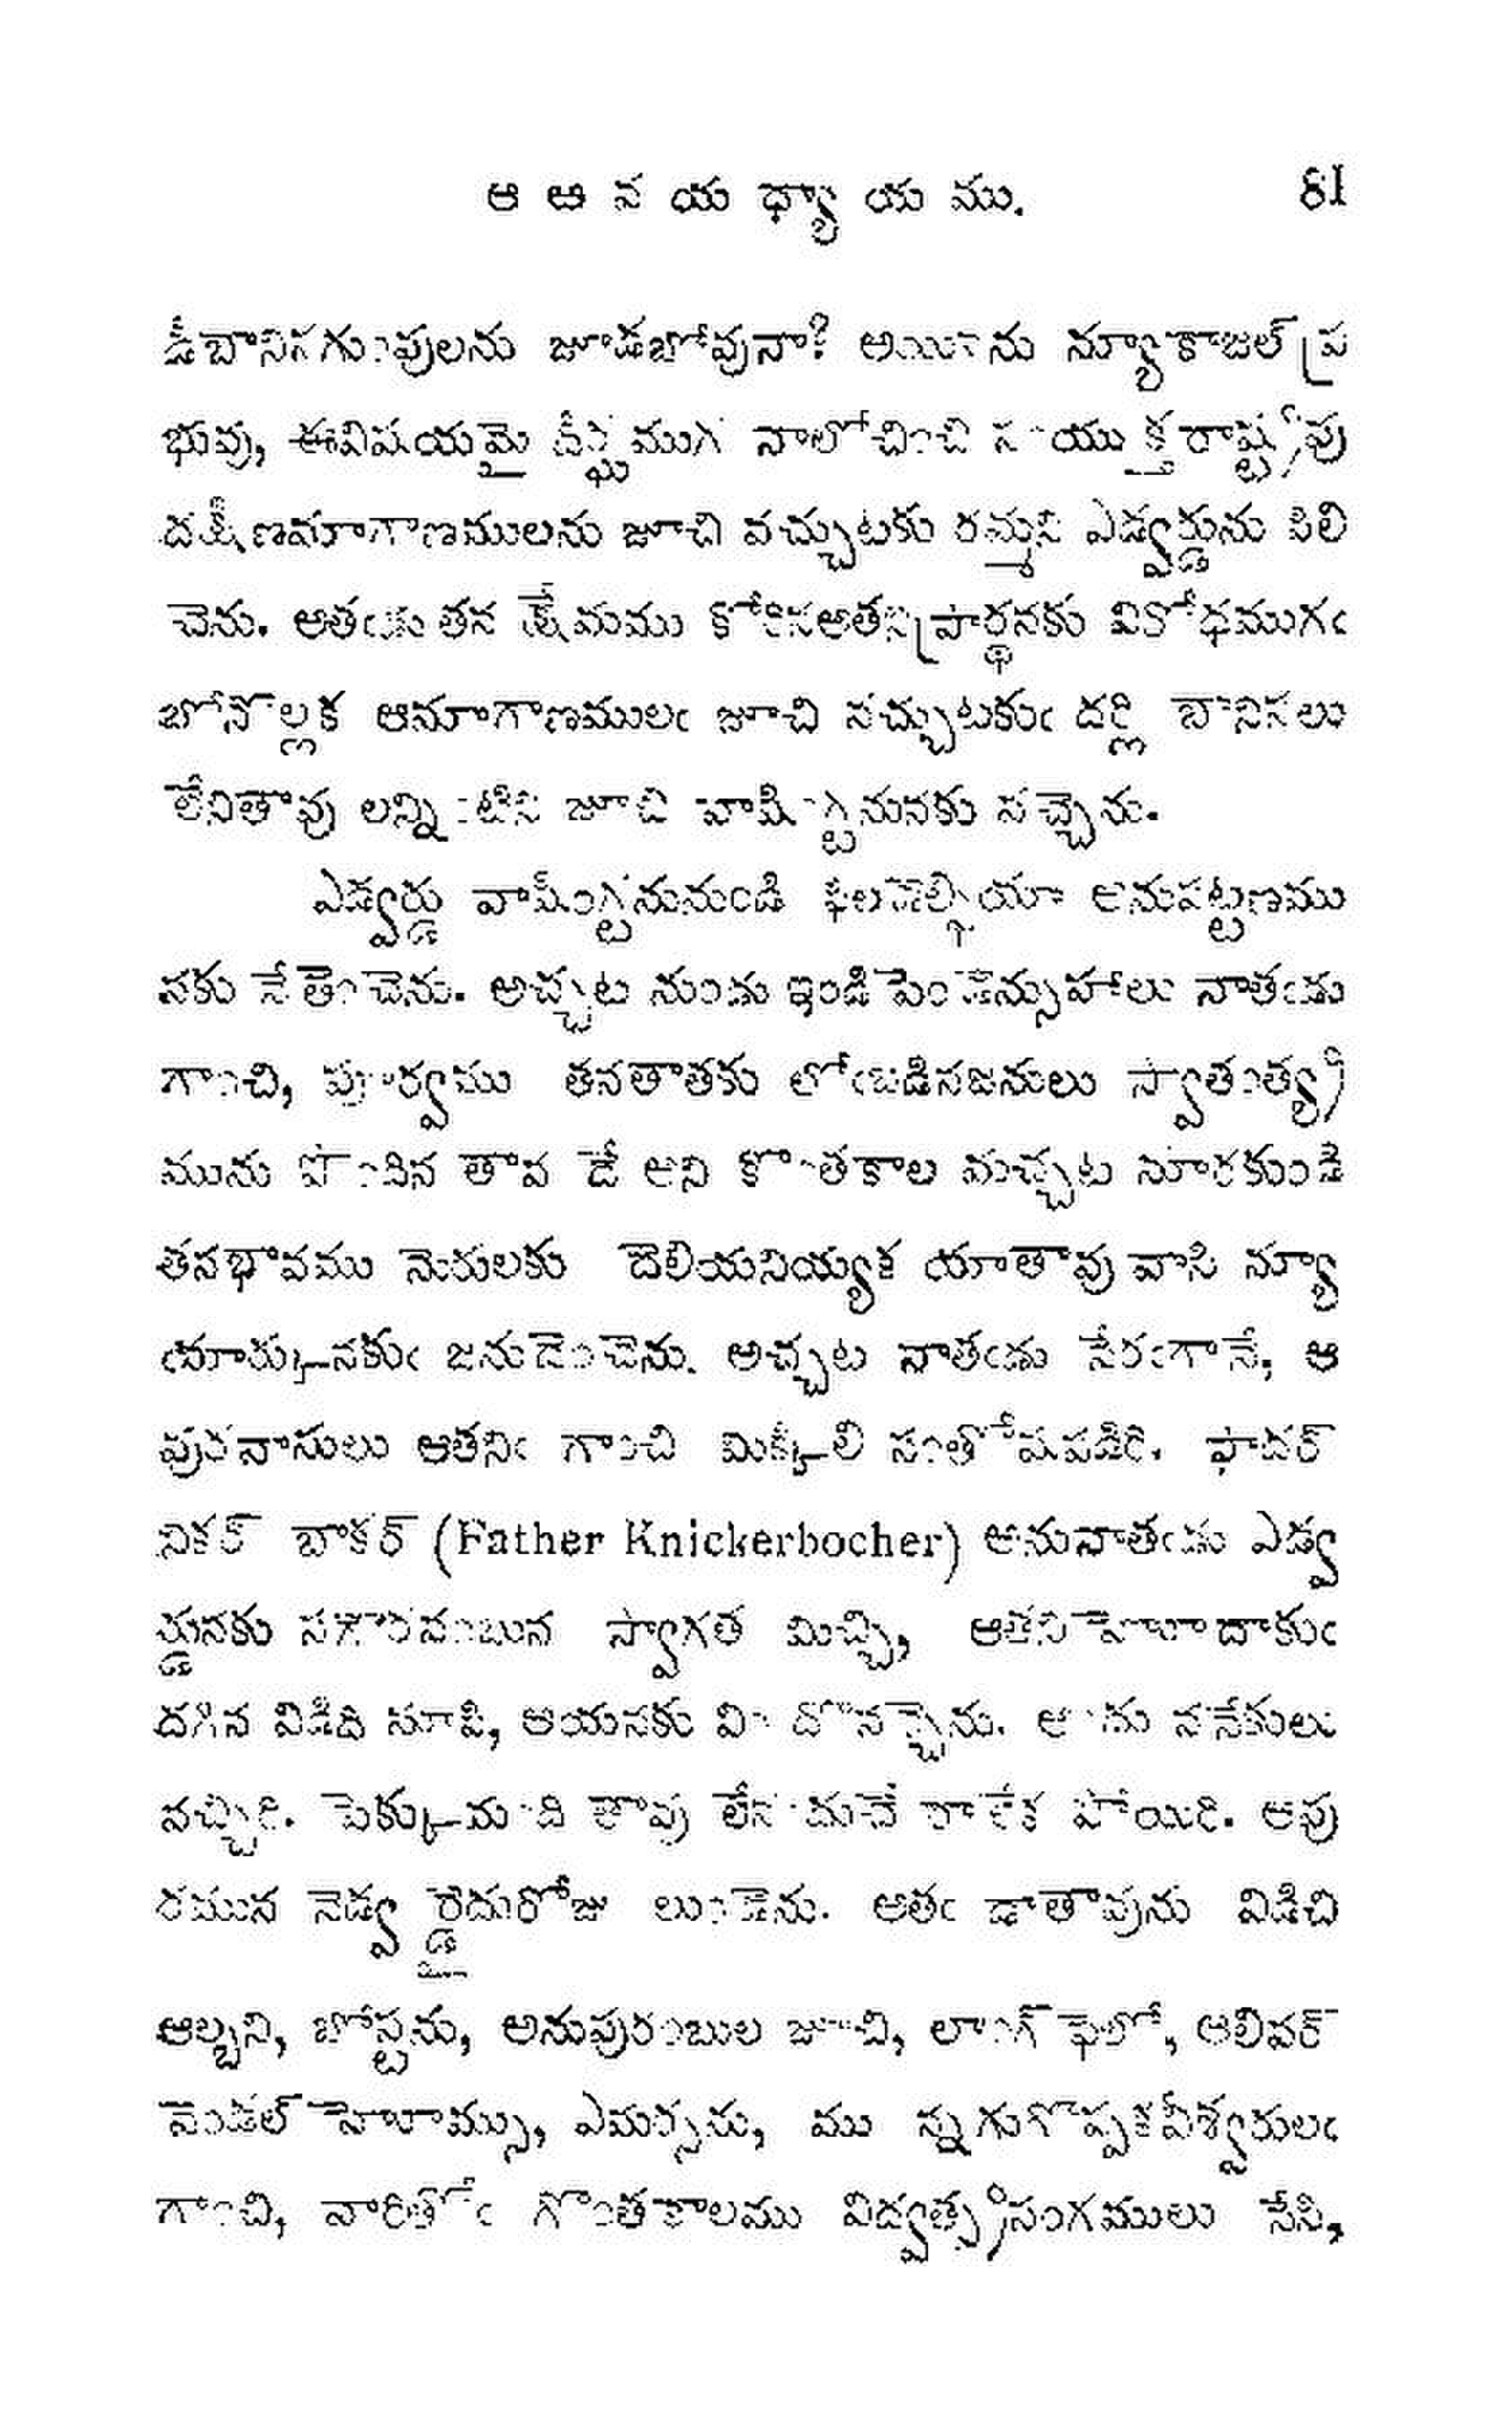డీ బానిస గుంపులను జూడ బోవునా? అయినను న్యూ కాజల్ ప్రభువు, ఈవిషయమై దీర్ఘము నాలోచించి సంయుక్త రాష్ట్రపు దక్షిణమాగాణములను జూచి వచ్చుటకు రమ్మని ఎడ్వర్డును పిలి
చెను. అతడు తన క్షేమము కోరిన: అతని ప్రార్థనకు విరోధముగఁ బోనొల్లక ఆమాగాణములఁ జూచి వచ్చుటకుఁ దర్లి బానిసలు లేని తావు లన్నింటిని జూచి వాషింగ్టనుకు వచ్చెను.

ఎడ్వర్డు వాషషింగ్టను నుండి ఫీలవాలియా అనుషట్టణముసకు నేతెంచెను. అచ్చట నుండు ఇండి పెండెన్సుహాలు నాతడు గాంచి, 'పుర్వము తన తాతకు లోబడిస జనులు స్వాతంత్య్ర
మును పొందిన తావదే అని కొంతకాల మచ్చట సూరకుండి ..తసభావము నెరులకు దెలియనియ్యక యాతావు వాసి న్యూయార్కునకుఁ జనుదెంచెను. అచ్చట నాతఁడు సేరగానే, ఆ
పుర వాసులు అతనిఁ గాంచి మిక్కిలి సంతోషపడిరి. ఫాదర్నికర్ బాకర్ (Father Knickerbocher) అనునాతండు ఎడ్వర్డునకు సగౌరవ స్వాగత మిచ్చి, ఆతని హోదాకుఁ
దగిన విడిది సూపి, ఆయనకు విందొనర్చెను. ఆందు ననేకులు వచ్చిరి. పెక్కుమంది తావు లేనందుచే రాలేక పోయిరి.. అపురమున నెడ్వెర్డైదురోజులుండెను. ఆతఁడా తావును విడిచి
ఆల్బని, బోస్టను, అనుపురం బుల జూచి, లాంగ్ ఫెలో, ఆలివర్ వెండల్ హోమ్సు, ఎమర్సను, ము న్నగు గొప్పకవీశ్వరులు గాంచి, వారితో గొంత కాలము విద్వత్స సంగములు సేసి,